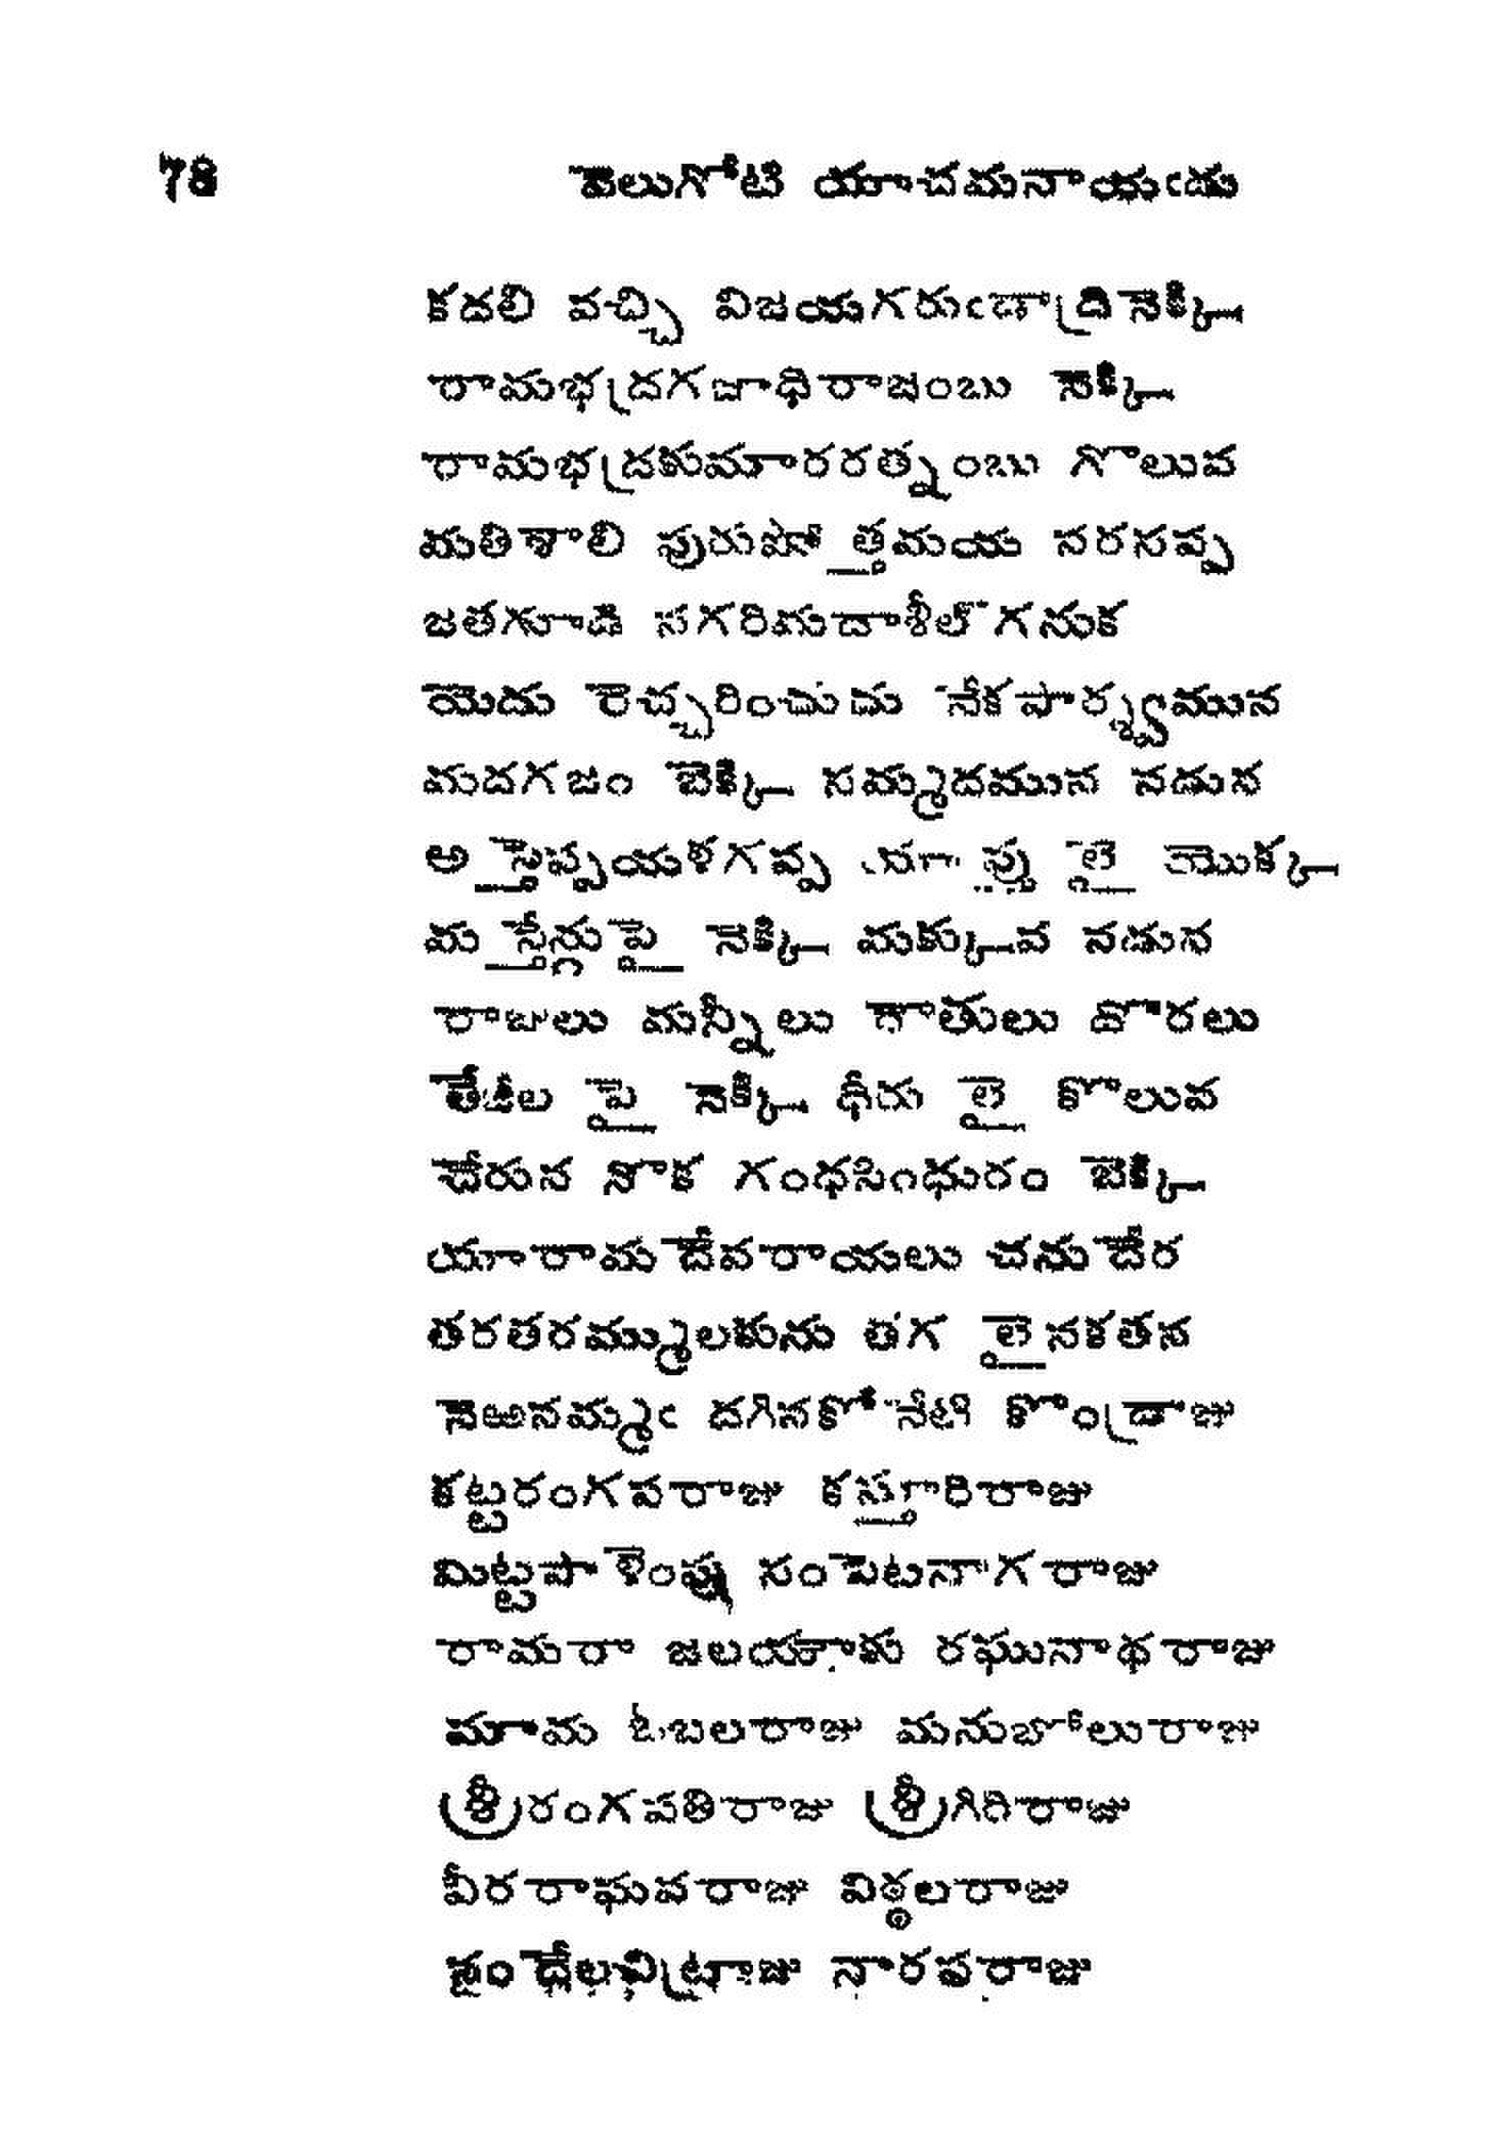కదలి వచ్చి విజయగరుఁడాద్రినెక్కి
 రామభద్రగజాధిరాజంబు నెక్కి
 రామభద్రకుమారరత్నంబు గొలువ
 మతిశాలి పురుషోత్తమయ నరసప్ప
 జతగూడి నగరిమదాశీల్ గనుక
 యెదు రెచ్చరించుడు నేకపార్శ్వమున
 మదగజం బెక్కి సమ్మదమున నడువ
 అస్తెప్పయళగప్ప యాప్తు లై యొక్క
 మస్తేన్గుపై నెక్కి మక్కువ నడువ
 రాజులు మన్నీలు రౌతులు దొరలు
 తేజీల పై నెక్కి ధీరు లై కొలువ
 చేరున నొక గంధసింధురం బెక్కి
 యారామ దేవరాయలు చనుదేర
 తరతరమ్ములకును తగ లైనకతన
 నెఱనమ్మఁ దగినకోనేటి కొండ్రాజు
 కట్టరంగపరాజు కస్తూరిరాజు
 మిట్టపాళెంపు సంపెటనాగరాజు
 రామరా జలయౌకు రఘునాథరాజు
 మామ ఓబలరాజు మనుబోలురాజు
 శ్రీరంగపతిరాజు శ్రీగిరిరాజు
 వీరరాఘవరాజు విఠ్ఠలరాజు
 నందేలచిట్రాజు నారపరాజు